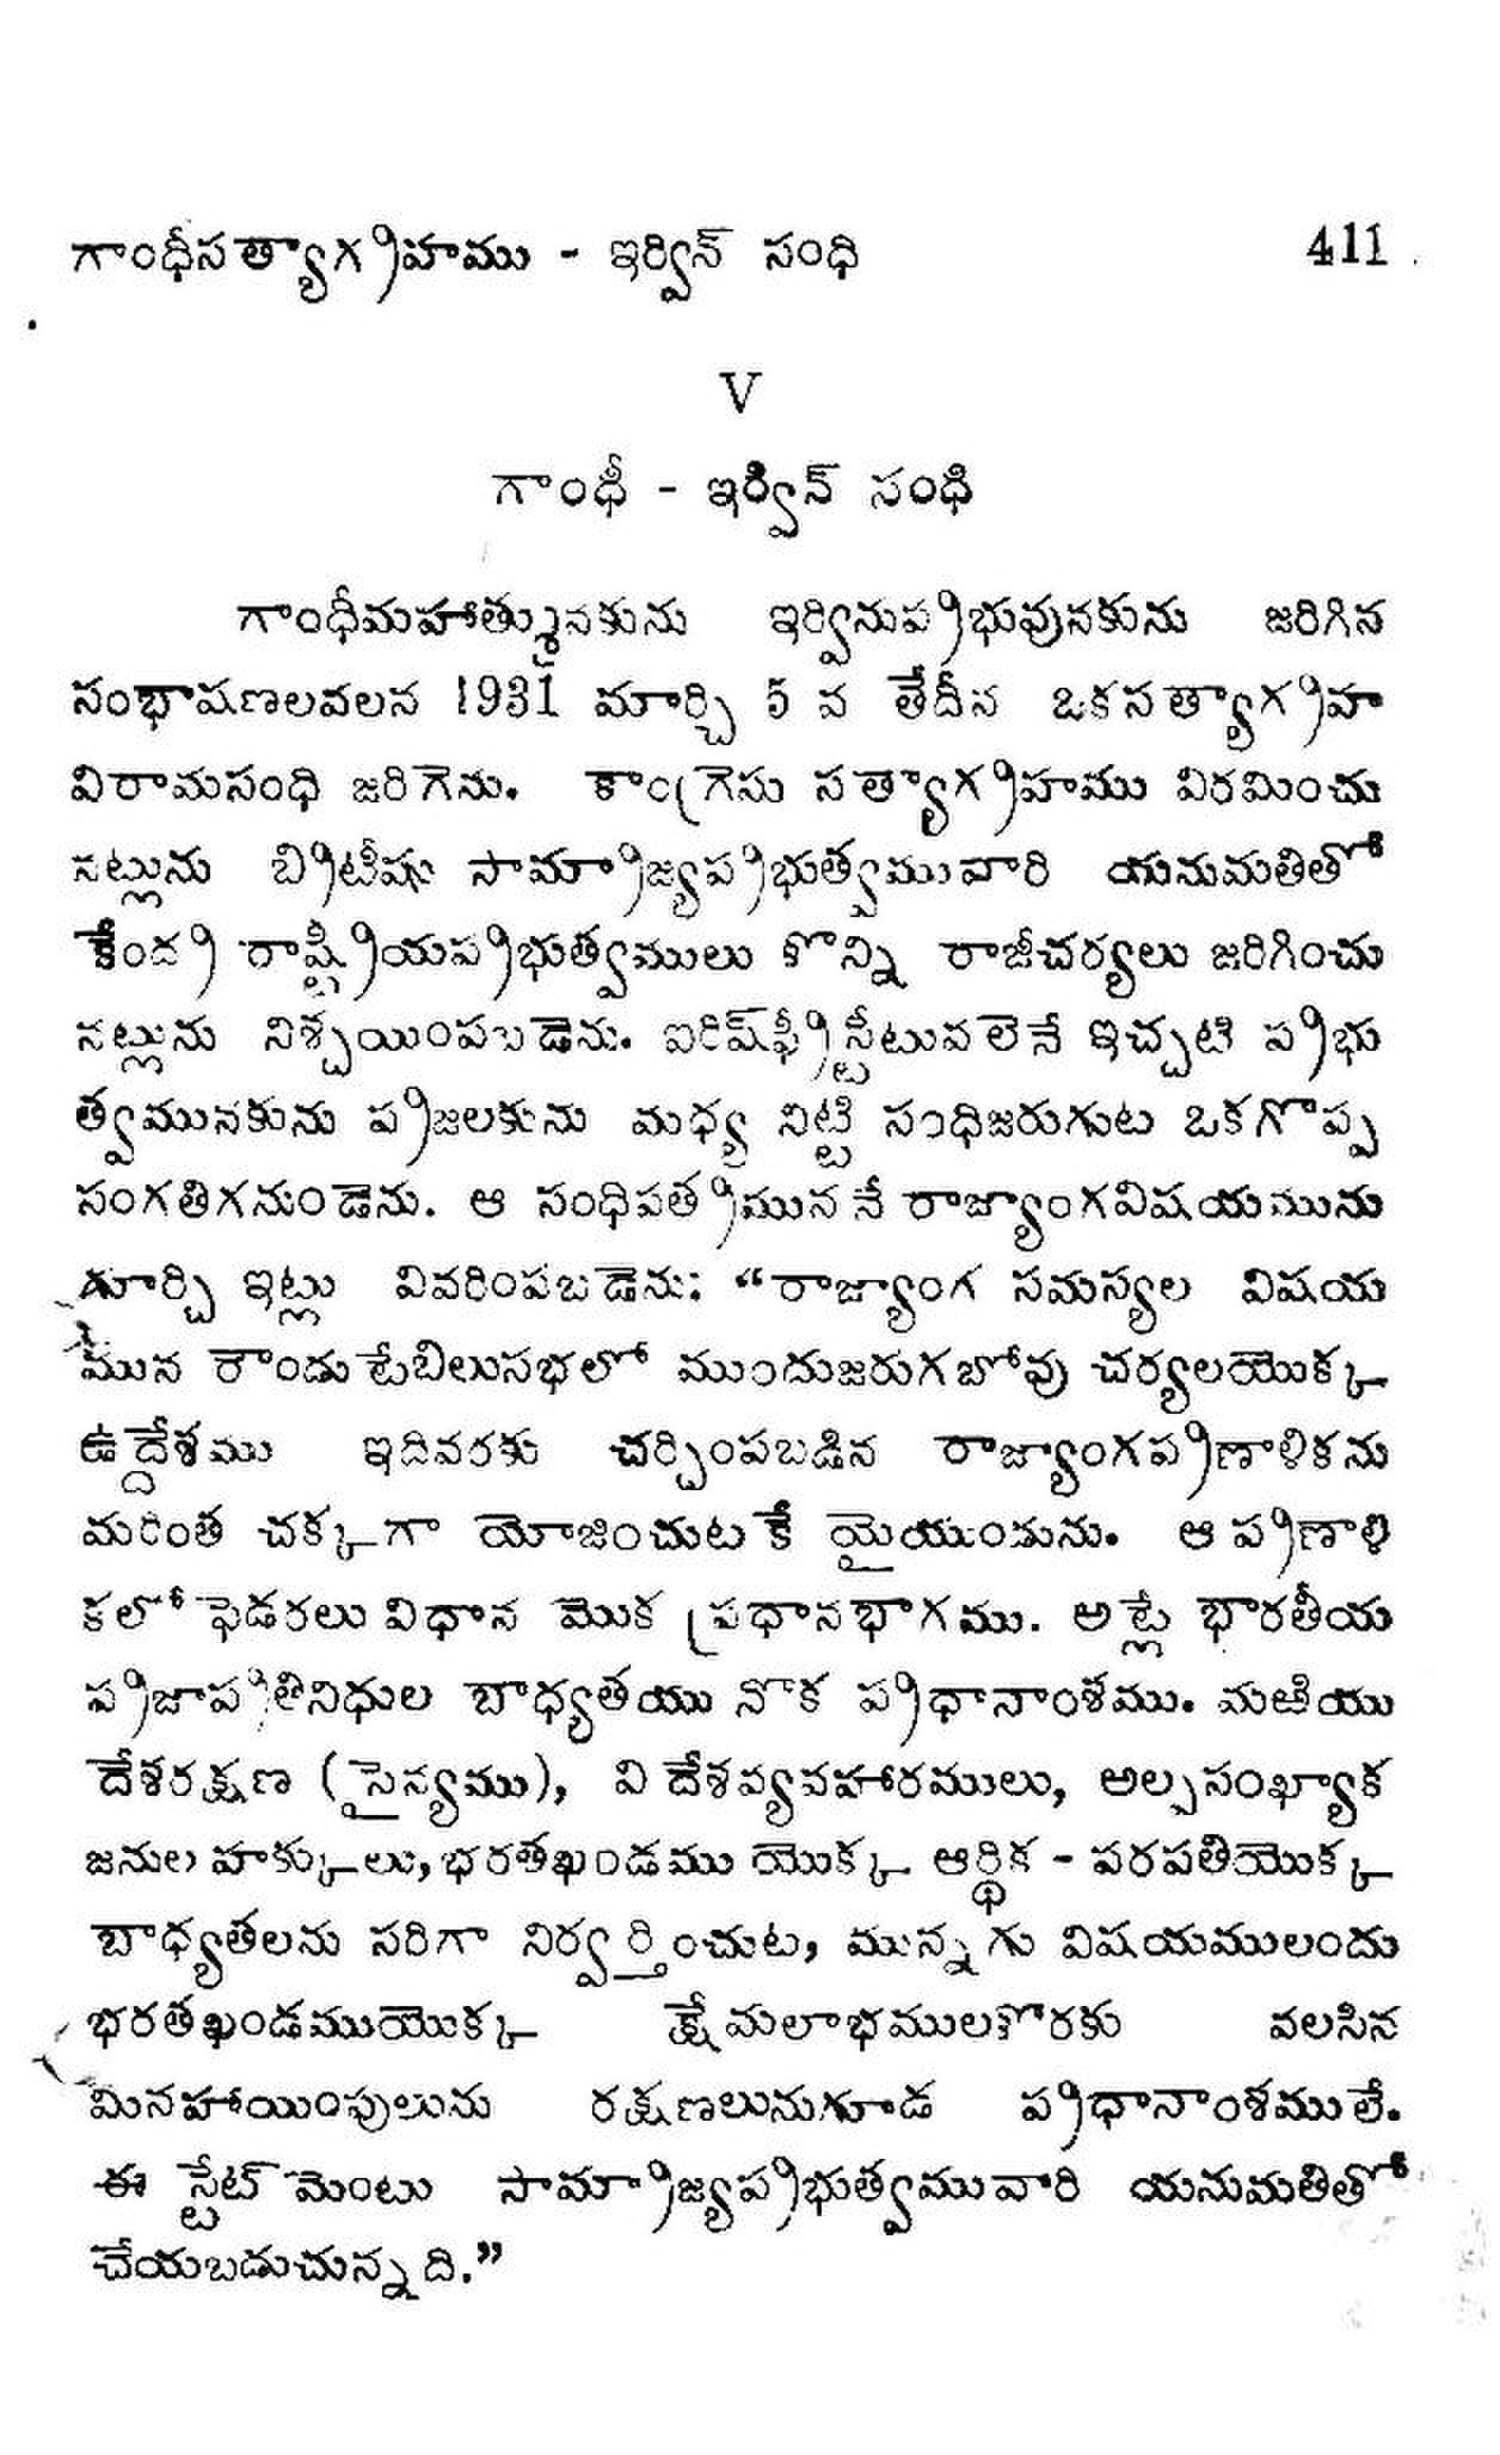V
గాంధీ - ఇర్విన్ సంధి 

గాంధీమహాత్మునకును ఇర్వినుప్రభువునకును జరిగిన సంభాషణలవలన 1931 మార్చి 5 వ తేదీన ఒక సత్యాగ్రహ విరామసంధి జరిగెను. కాంగ్రెసు సత్యాగ్రహము విరమించునట్లును బ్రిటీషు సామ్రాజ్యప్రభుత్వమువారి యనుమతితో కేంద్ర రాష్ట్రీయప్రభుత్వములు కొన్ని రాజీచర్యలు జరిగించునట్లును నిశ్చయింపబడెను. ఐరిష్‌ఫ్రీస్టేటువలెనే ఇచ్చటి ప్రభుత్వమునకును ప్రజలకును మధ్య నిట్టి సంధిజరుగుట ఒకగొప్ప సంగతిగనుండెను. ఆ సంధిపత్రముననే రాజ్యాంగ విషయమును గూర్చి ఇట్లు వివరింపబడెను: “రాజ్యాంగ సమస్యల విషయమున రౌండుటేబిలుసభలో ముందుజరుగబోవు చర్యలయొక్క ఉద్దేశము ఇదివరకు చర్చింపబడిన రాజ్యాంగప్రణాళికను మరింత చక్కగా యోజించుటకే యైయుండును. ఆప్రణాళికలో ఫెడరలు విధాన మొక ప్రధానభాగము. అట్లే భారతీయ ప్రజాప్రతినిధుల బాధ్యతయు నొక ప్రధానాంశము. మఱియు దేశరక్షణ (సైన్యము), విదేశవ్యవహారములు, అల్పసంఖ్యాక జనుల హక్కులు, భరతఖండముయొక్క ఆర్ధిక - పరపతియొక్క బాధ్యతలను సరిగా నిర్వర్తించుట, మున్నగు విషయములందు భరతఖండముయొక్క క్షేమలాభములకొరకు వలసిన మినహాయింపులును రక్షణలునుగూడ ప్రధానాంశములే. ఈ స్టేట్ మెంటు సామ్రాజ్యప్రభుత్వమువారి యనుమతితో చేయబడుచున్నది.”